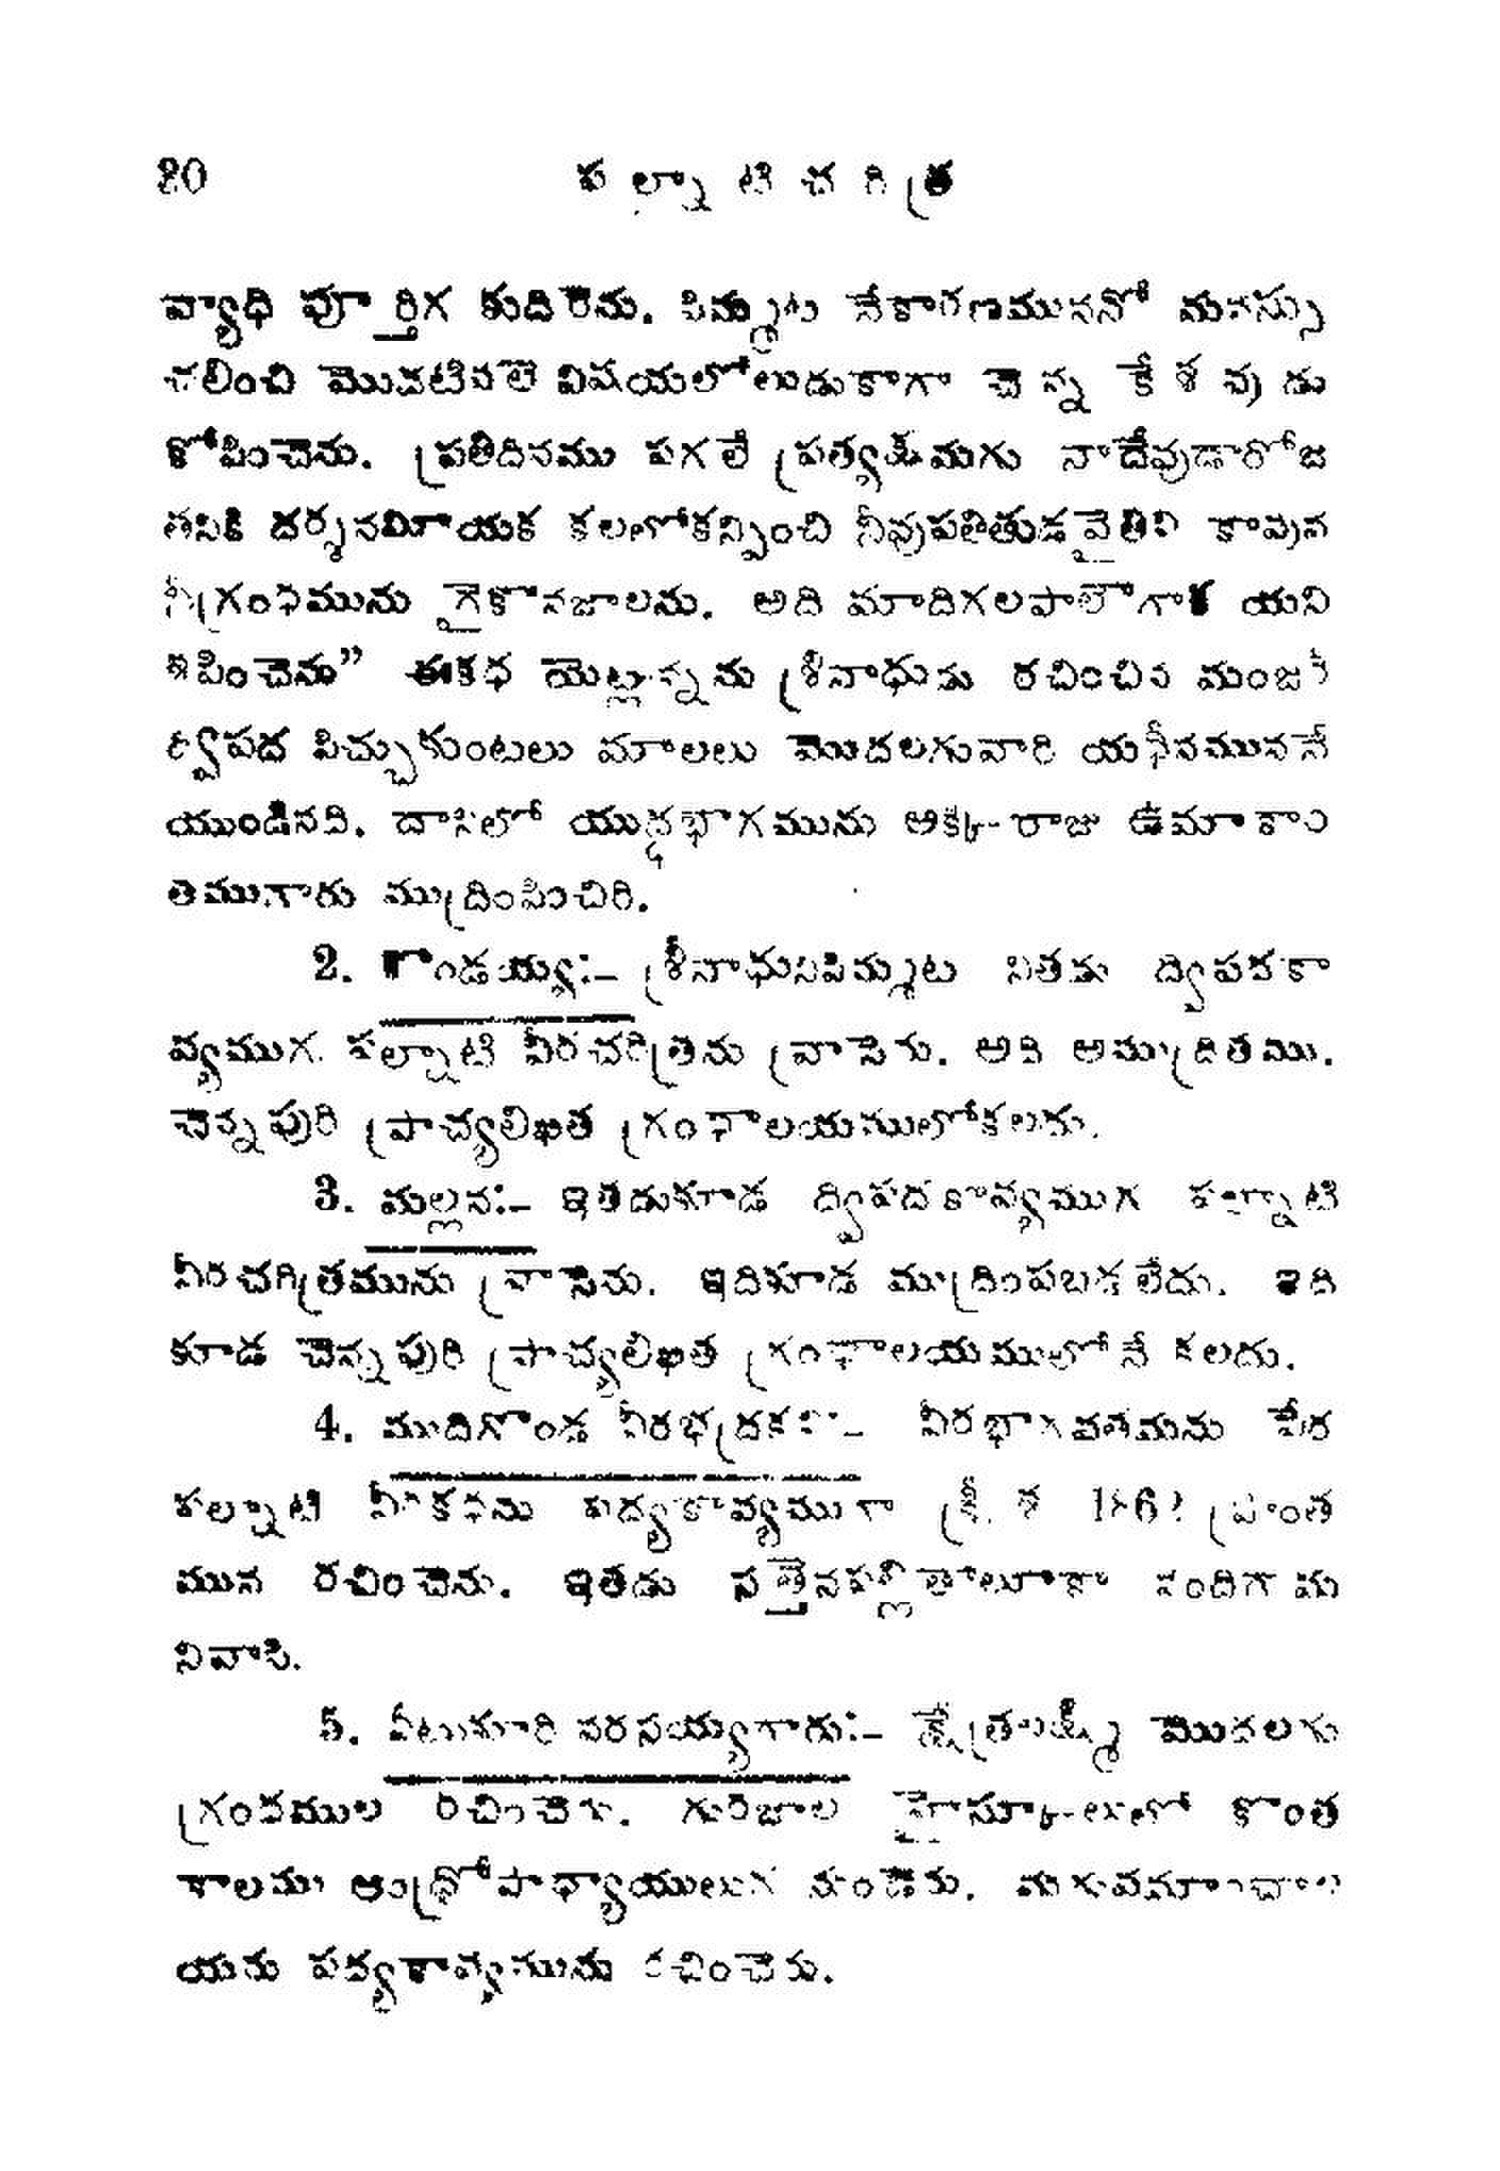వ్యాధి పూర్తిగ కుదిరెను. పిమ్మట నేకారణముననో మనస్సు
చలించి మొదటివలె విషయలోలుడుకాగా చెన్న కేశవుడు
కోపించెను. ప్రతిదినము పగలే ప్రత్యక్షమగు నా దేవుడా రోజ
తనికి దర్శనమీయక కలలోకన్పించి నీవుపతితుడవైతిని కావున
నీ గ్రంధమును గైకొనజాలను. అది మాదిగలపాలౌగాక యని
శిపించెను” ఈకధ యెట్లన్నను శ్రీనాధును రచించిన మంజరీ
ద్విపద పిచ్చుకుంటలు మాలలు మొదలగువారి యధీవముననే
యుండినది, దానిలో యుద్ధభాగమును అక్కిరాజు ఉమాకాంతముగారు 
ముద్రింపించిరి .

2. కొండయ్య:- శ్రీనాధునిపిమ్మట నితడు ద్విపదకావ్యముగ 
పల్నాటి వీర చరిత్రను వ్రాసెను. అది అముద్రితము.
చెన్నపురి ప్రాచ్యలిఖిత గ్రంథాలయములో కలదు.

3. మల్లన:- ఇతడుకూడ ద్విపద కావ్యముగ పల్నాటి
వీర చరిత్రమును వ్రాసెను. ఇదికూడ ముద్రింపబడ లేదు. ఇది
కూడ చెన్నపురి ప్రాచ్యలిఖిత గ్రంథాలయములోనే కలదు.

4. ముదిగొండ వీరభద్రకవి:- వీరభాగవతమను పేర
కల్నటి వీనికధను పద్యకావ్యముగా క్రీశ 1862 ప్రాంతమున 
రచించెను. ఇతడు సత్తెనపల్లితాలూకా నందిగామ
నివాసి 

5. ఏటుకూరి వరసయ్యగారు:- క్షేత్రలక్ష్మి మొదలగు
గ్రంధములు రచించెను. గురిజాల హైస్కూలులో కొంత
శాలము ఆంధ్రోపాధ్యాయులుగ నుండెను. మగువమాంచాల
యను పద్యకావ్యమును రచించెను.